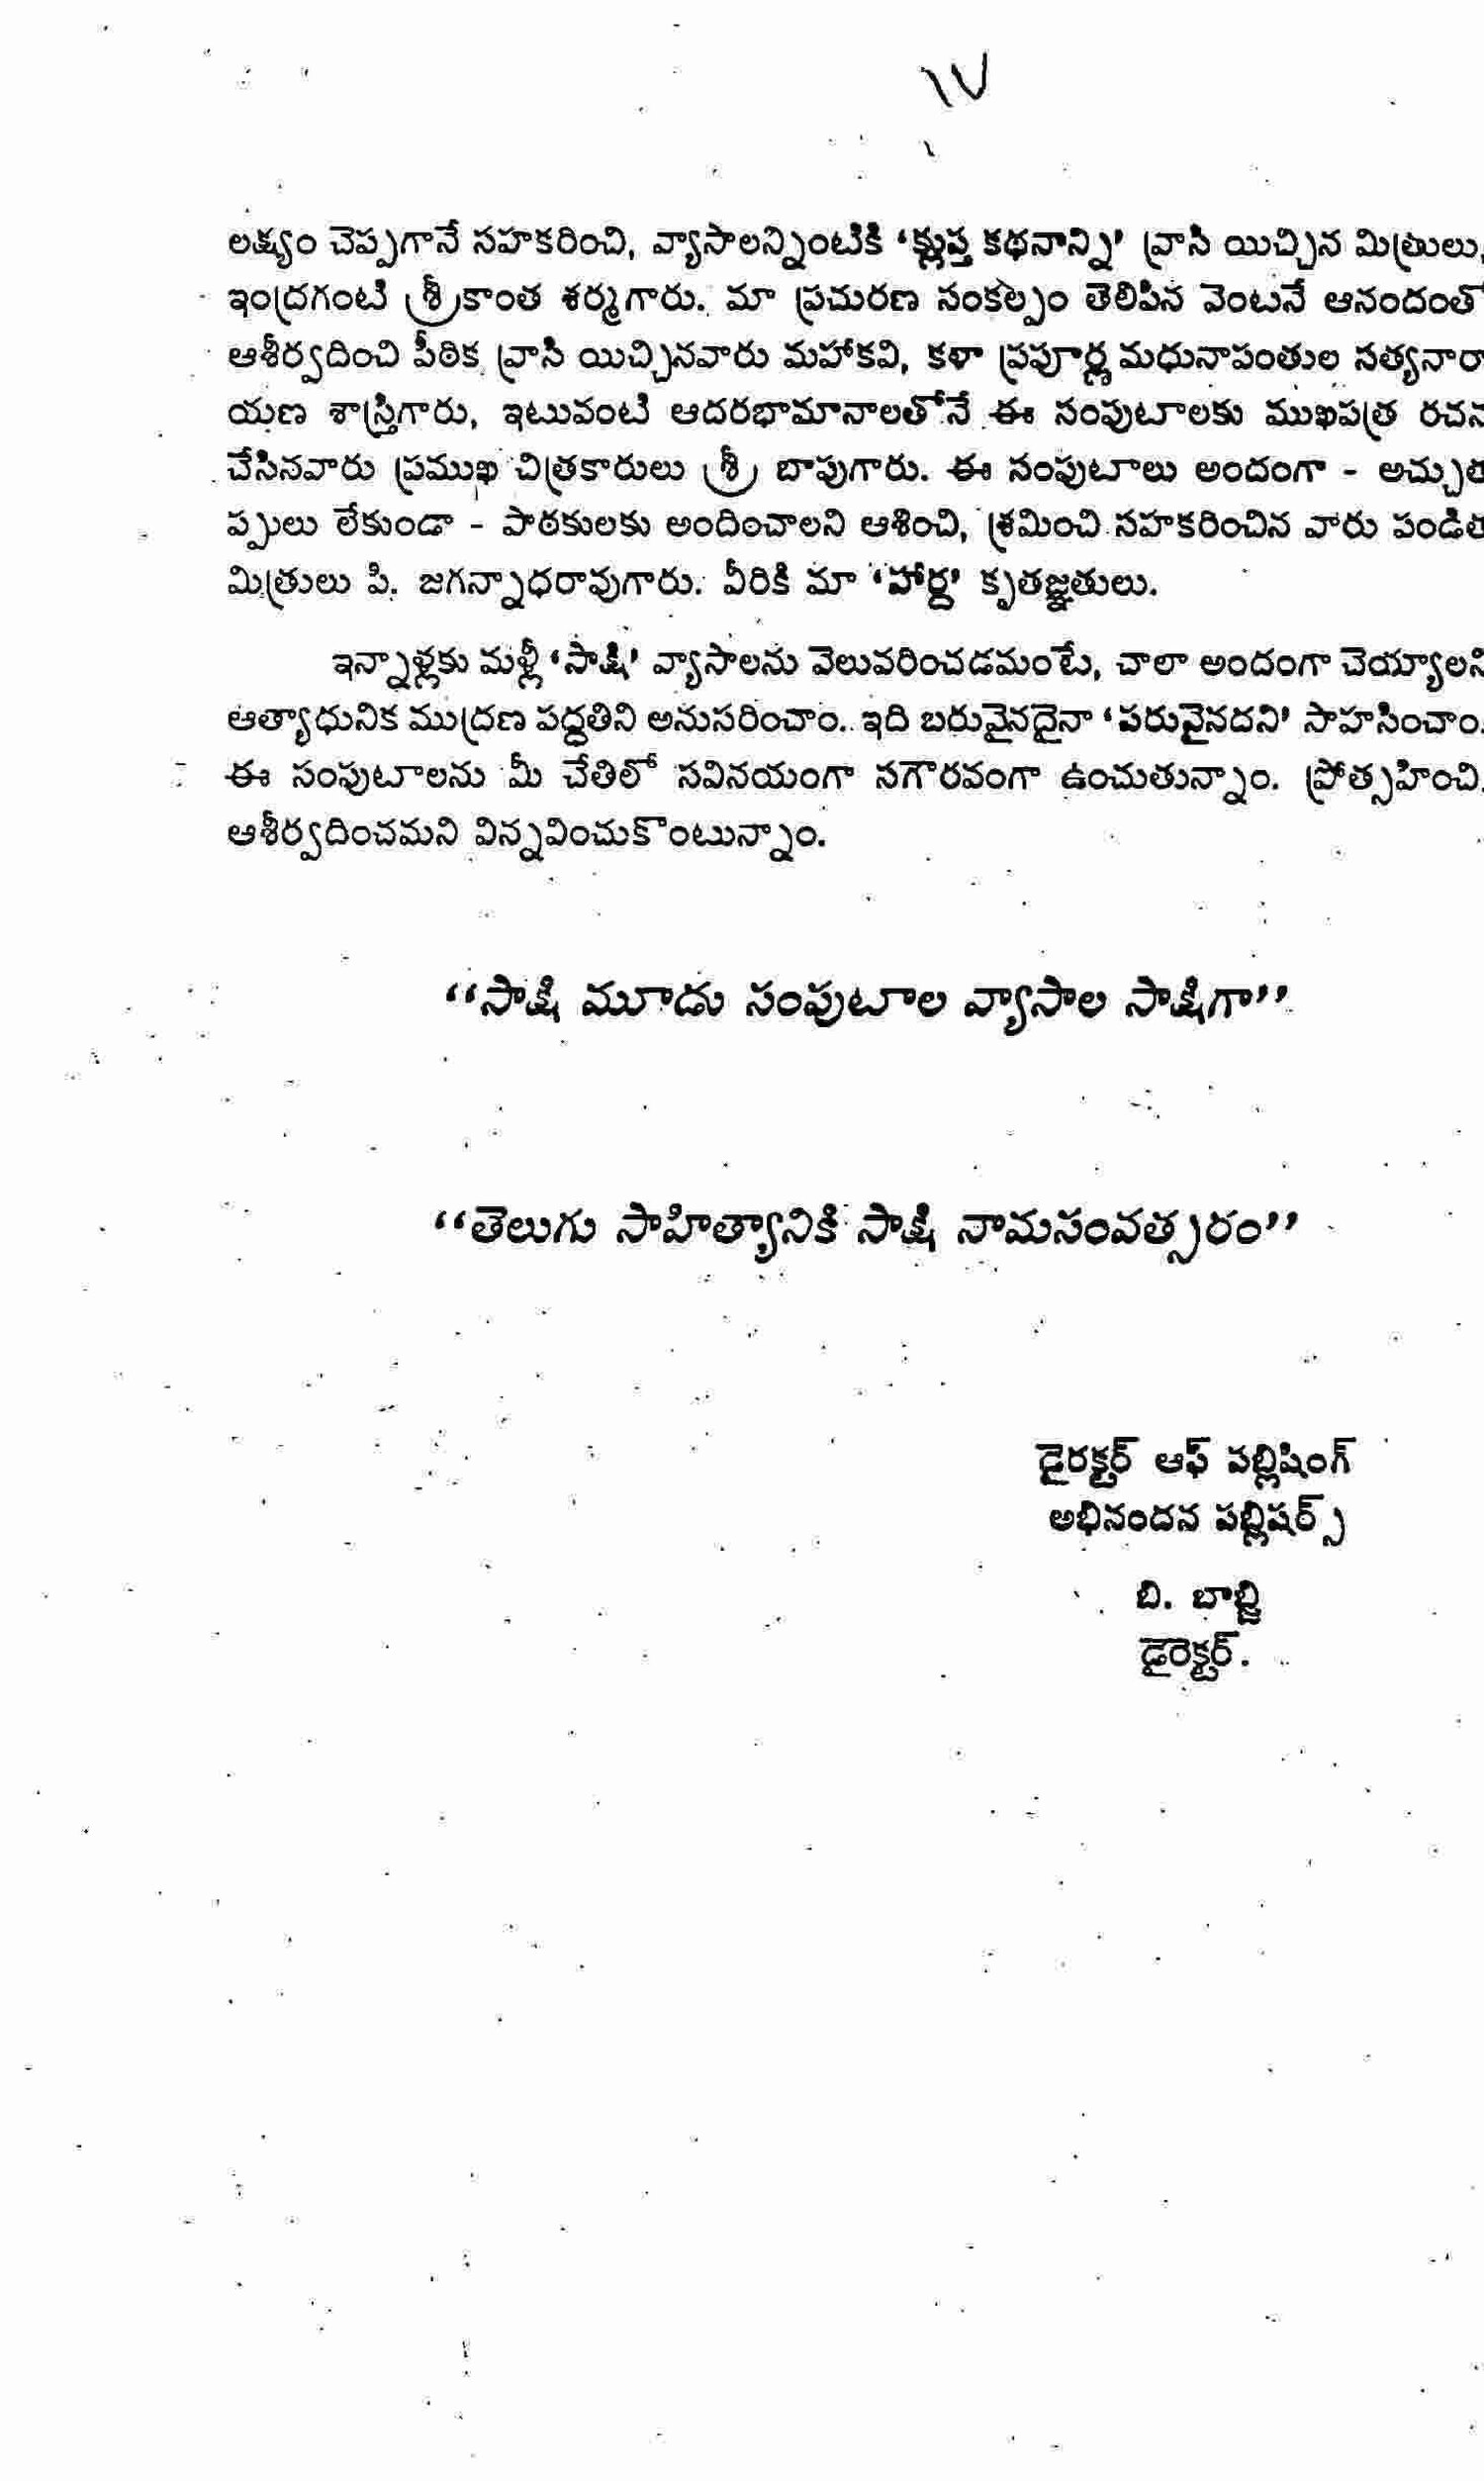లక్ష్యం చెప్పగానే సహకరించి, వ్యాసాలన్నింటికి ‘క్లుప్త కథనాన్ని’ వ్రాసి యిచ్చిన మిత్రులు ఇంద్రగంటి శ్రీకాంత శర్మగారు. మా ప్రచురణ సంకల్పం తెలిపిన వెంటనే ఆనందంతో ఆశీర్వదించి పీఠిక వ్రాసి యిచ్చినవారు మహాకవి, కళా ప్రపూర్ణ మధునాపంతుల సత్యనారాయణ శాస్త్రిగారు, ఇటువంటి ఆదరభామానాలతోనే ఈ సంపుటాలకు ముఖపత్ర రచన చేసినవారు ప్రముఖ చిత్రకారులు శ్రీ బాపుగారు. ఈ సంపుటాలు అందంగా - అచ్చుతప్పులు లేకుండా - పాఠకులకు అందించాలని ఆశించి, శ్రమించి సహకరించిన వారు పండితమిత్రులు పి. జగన్నాధరావుగారు. వీరికి మా ‘హార్ద’ కృతజ్ఞతులు.

ఇన్నాళ్లకు మళ్లీ ‘సాక్షి’ వ్యాసాలను వెలువరించడమంటే, చాలా అందంగా చెయ్యాలని ఆత్యాధునిక ముద్రణ పద్ధతిని అనుసరించాం. ఇది బరువైనదైనా ‘పరువైనదని’ సాహసించాం. ఈ సంపుటాలను మీ చేతిలో సవినయంగా సగౌరవంగా ఉంచుతున్నాం. ప్రోత్సహించి, ఆశీర్వదించమని విన్నవించుకొంటున్నాం.

“సాక్షి మూడు సంపుటాల వ్యాసాల సాక్షిగా”

“తెలుగు సాహిత్యానికి సాక్షి నామసంవత్సరం”